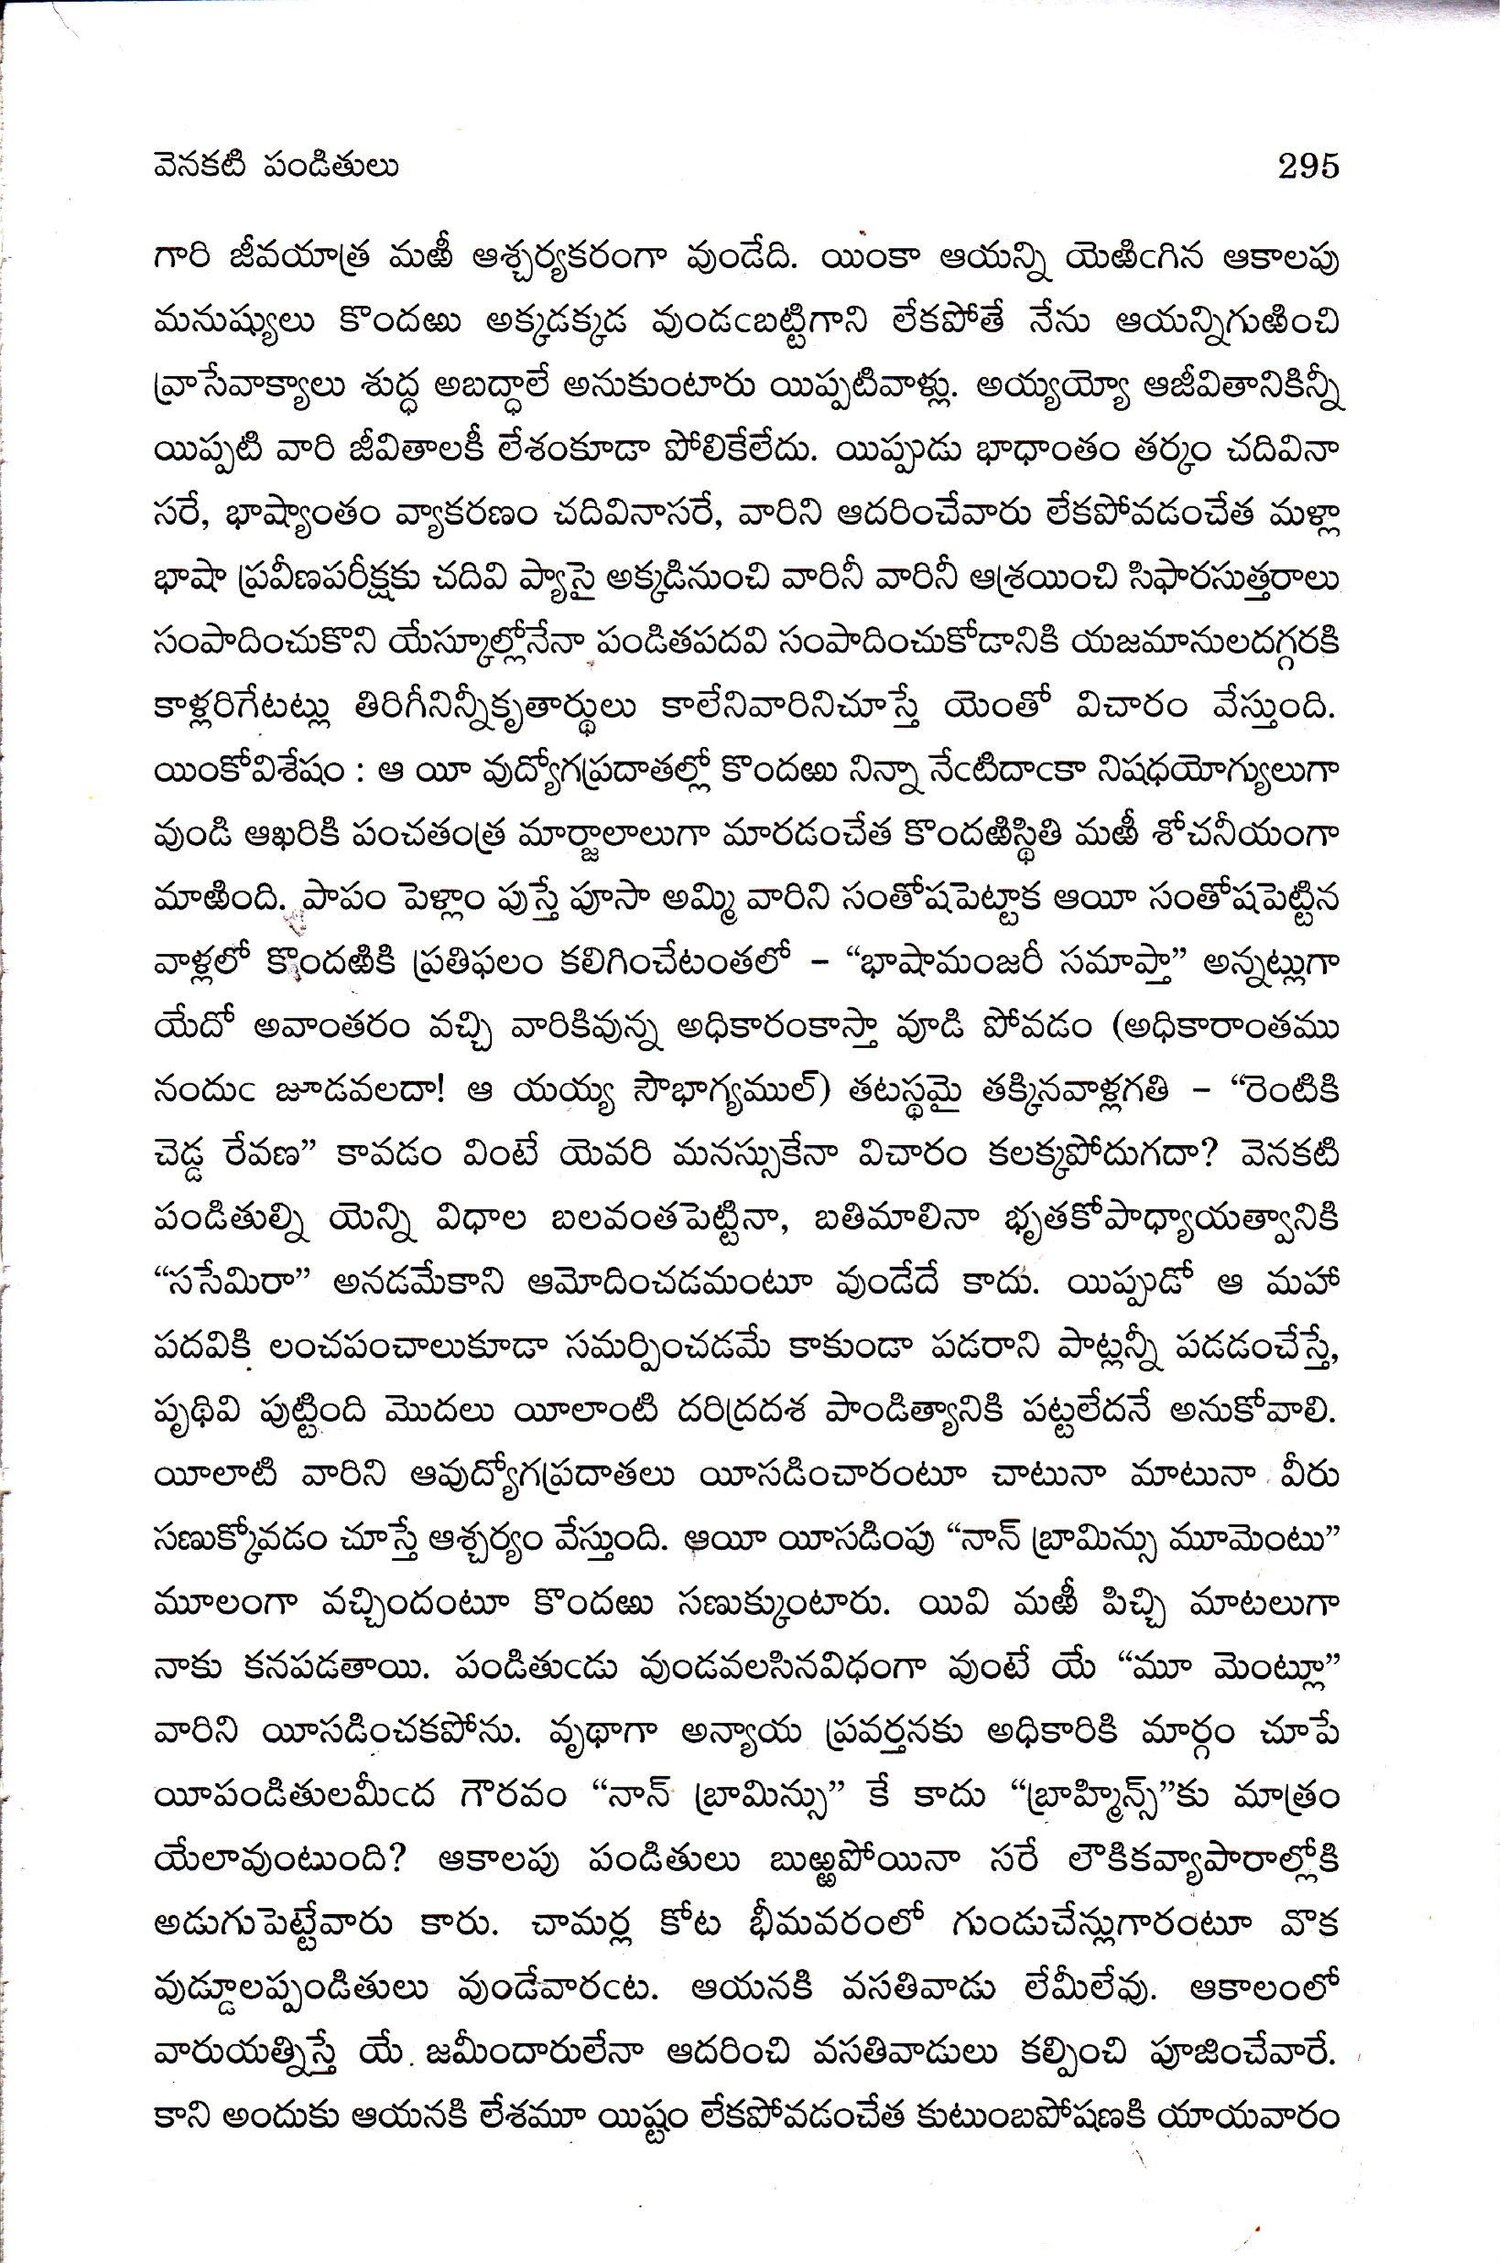గారి జీవయాత్ర మఱీ ఆశ్చర్యకరంగా వుండేది. యింకా ఆయన్ని యెఱిఁగిన ఆకాలపు మనుష్యులు కొందఱు అక్కడక్కడ వుండఁబట్టిగాని లేకపోతే నేను ఆయన్నిగుఱించి వ్రాసేవాక్యాలు శుద్ధ అబద్ధాలే అనుకుంటారు యిప్పటివాళ్లు. అయ్యయ్యో ఆజీవితానికిన్నీ యిప్పటి వారి జీవితాలకీ లేశంకూడా పోలికేలేదు. యిప్పుడు భాధాంతం తర్కం చదివినా సరే, భాష్యాంతం వ్యాకరణం చదివినాసరే, వారిని ఆదరించేవారు లేకపోవడంచేత మళ్లా భాషా ప్రవీణపరీక్షకు చదివి ప్యాసై అక్కడినుంచి వారినీ వారినీ ఆశ్రయించి సిఫారసుత్తరాలు సంపాదించుకొని యేస్కూల్లోనేనా పండితపదవి సంపాదించుకోడానికి యజమానులదగ్గరకి కాళ్లరిగేటట్లు తిరిగీనిన్నీకృతార్థులు కాలేనివారినిచూస్తే యెంతో విచారం వేస్తుంది. యింకోవిశేషం : ఆ యీ వుద్యోగప్రదాతల్లో కొందఱు నిన్నా నేఁటిదాఁకా నిషధయోగ్యులుగా వుండి ఆఖరికి పంచతంత్ర మార్జాలాలుగా మారడంచేత కొందఱిస్థితి మఱీ శోచనీయంగా మాఱింది. పాపం పెళ్లాం పుస్తే పూసా అమ్మి వారిని సంతోషపెట్టాక ఆయీ సంతోషపెట్టిన వాళ్లలో కొందఱికి ప్రతిఫలం కలిగించేటంతలో – “భాషామంజరీ సమాప్తా" అన్నట్లుగా యేదో అవాంతరం వచ్చి వారికివున్న అధికారంకాస్తా వూడి పోవడం (అధికారాంతము నందుఁ జూడవలదా! ఆ యయ్య సౌభాగ్యముల్) తటస్థమై తక్కినవాళ్లగతి - "రెంటికి చెడ్డ రేవణ” కావడం వింటే యెవరి మనస్సుకేనా విచారం కలక్కపోదుగదా? వెనకటి పండితుల్ని యెన్ని విధాల బలవంతపెట్టినా, బతిమాలినా భృతకోపాధ్యాయత్వానికి “ససేమిరా” అనడమేకాని ఆమోదించడమంటూ వుండేదే కాదు. యిప్పుడో ఆ మహా పదవికి లంచపంచాలుకూడా సమర్పించడమే కాకుండా పడరాని పాట్లన్నీ పడడంచేస్తే, పృథివి పుట్టింది మొదలు యీలాంటి దరిద్రదశ పాండిత్యానికి పట్టలేదనే అనుకోవాలి. యీలాటి వారిని ఆవుద్యోగప్రదాతలు యీసడించారంటూ చాటునా మాటునా వీరు సణుక్కోవడం చూస్తే ఆశ్చర్యం వేస్తుంది. ఆయీ యీసడింపు “నాన్ బ్రామిన్సు మూమెంటు" మూలంగా వచ్చిందంటూ కొందఱు సణుక్కుంటారు. యివి మఱీ పిచ్చి మాటలుగా నాకు కనపడతాయి. పండితుఁడు వుండవలసినవిధంగా వుంటే యే “మూ మెంట్లూ" వారిని యీసడించకపోను. వృథాగా అన్యాయ ప్రవర్తనకు అధికారికి మార్గం చూపే యీపండితులమీఁద గౌరవం “నాన్ బ్రామిన్సు" కే కాదు “బ్రాహ్మిన్స్"కు మాత్రం యేలావుంటుంది? ఆకాలపు పండితులు బుఱ్ఱపోయినా సరే లౌకికవ్యాపారాల్లోకి అడుగుపెట్టేవారు కారు. చామర్ల కోట భీమవరంలో గుండుచేన్లుగారంటూ వొక వుడూలప్పండితులు వుండేవారఁట. ఆయనకి వసతివాడు లేమీలేవు. ఆకాలంలో వారుయత్నిస్తే యే. జమీందారులేనా ఆదరించి వసతివాడులు కల్పించి పూజించేవారే. కాని అందుకు ఆయనకి లేశమూ యిష్టం లేకపోవడంచేత కుటుంబపోషణకి యాయవారం